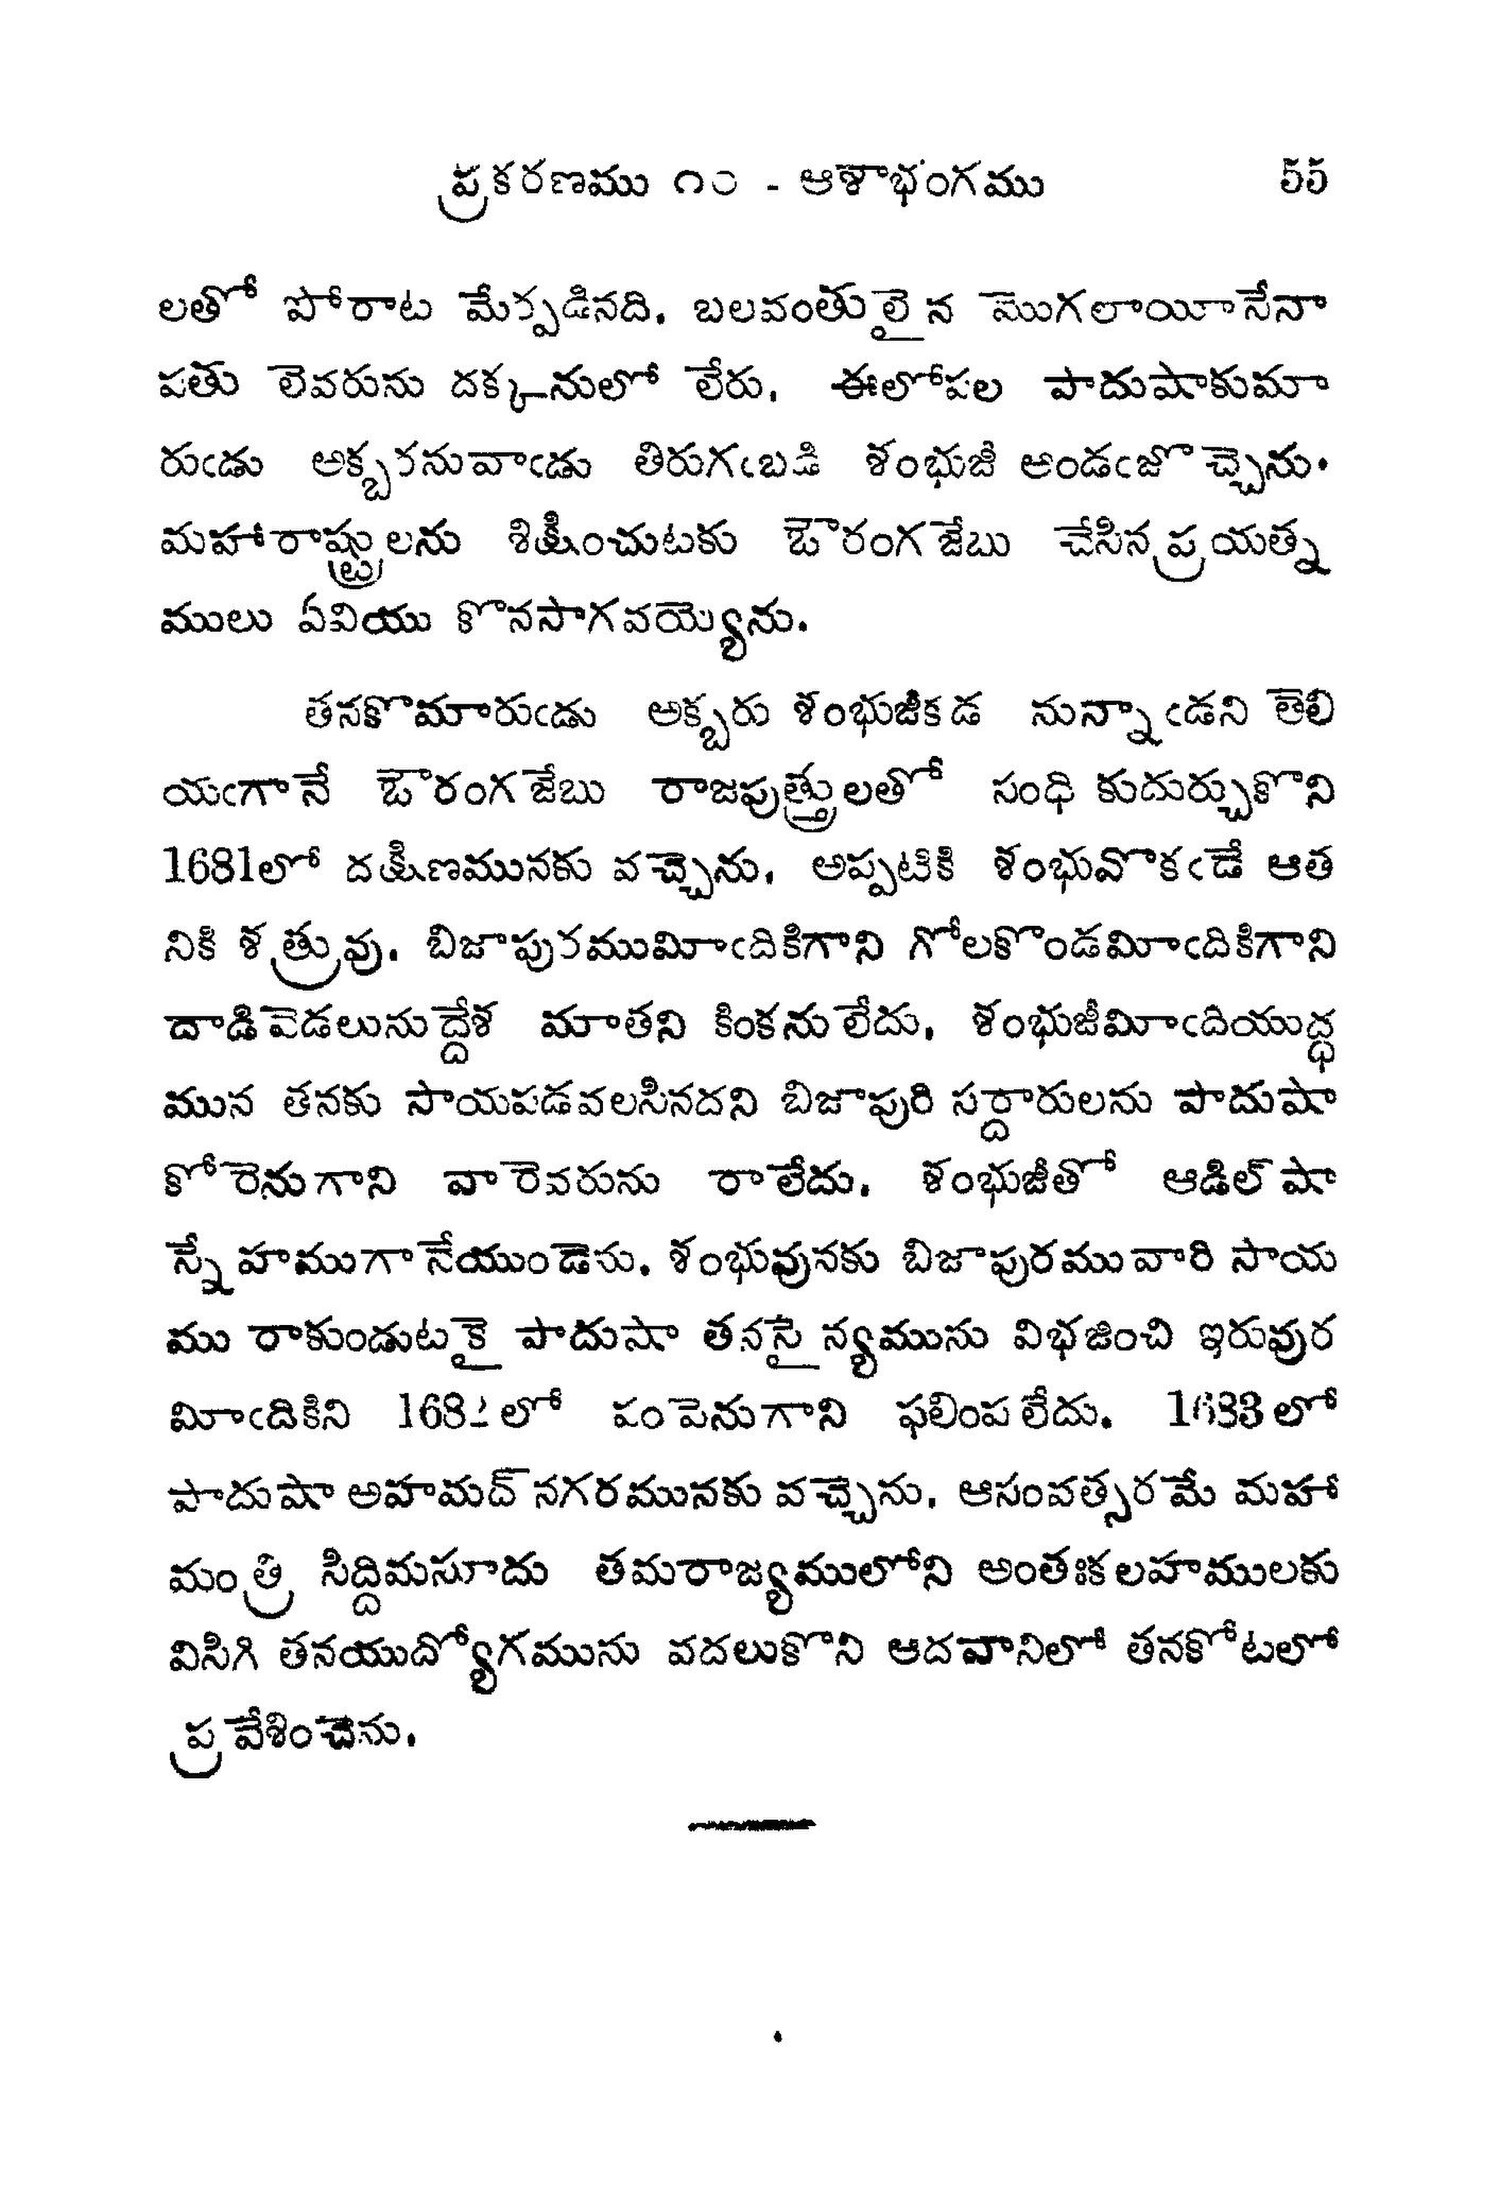లతో పోరాట మేర్పడినది. బలవంతులైన మొగలాయీసేనాపతు లెవరును దక్కనులో లేరు. ఈలోపల పాదుషా కుమారుఁడు అక్బరనువాఁడు తిరుగఁబడి శంభుజీ అండఁజొచ్చెను. మహారాష్ట్రులను శిక్షించుటకు ఔరంగజేబు చేసినప్రయత్నములు ఏవియు కొనసాగవయ్యెను.

తనకొమారుఁడు అక్బరు శంభుజీకడ నున్నాఁడని తెలియఁగానే ఔరంగజేబు రాజపుత్త్రులతో సంధి కుదుర్చుకొని 1681లో దక్షిణమునకు వచ్చెను. అప్పటికి శంభువొకఁడే ఆతనికి శత్రువు. బిజాపురముమీఁదికిగాని గోలకొండమీఁదికిగాని దాడివెడలునుద్దేశ మాతని కింకను లేదు. శంభుజీమీఁదియుద్ధమున తనకు సాయపడవలసినదని బిజాపురి సర్దారులను పాదుషా కోరెనుగాని వారెవరును రాలేదు. శంభుజీతో ఆడిల్‌షా స్నేహముగానేయుండెను. శంభువునకు బిజాపురమువారి సాయము రాకుండుటకై పాదుషా తనసైన్యమును విభజించి ఇరువుర మీఁదికిని 1682లో పంపెనుగాని ఫలింపలేదు. 1683 లో పాదుషా అహమద్ నగరమునకు వచ్చెను. ఆసంవత్సరమే మహామంత్రి, సిద్దిమసూదు తమరాజ్యములోని అంతఃకలహములకు విసిగి తనయుద్యోగమును వదలుకొని ఆదవానిలో తనకోటలో ప్రవేశించెను.